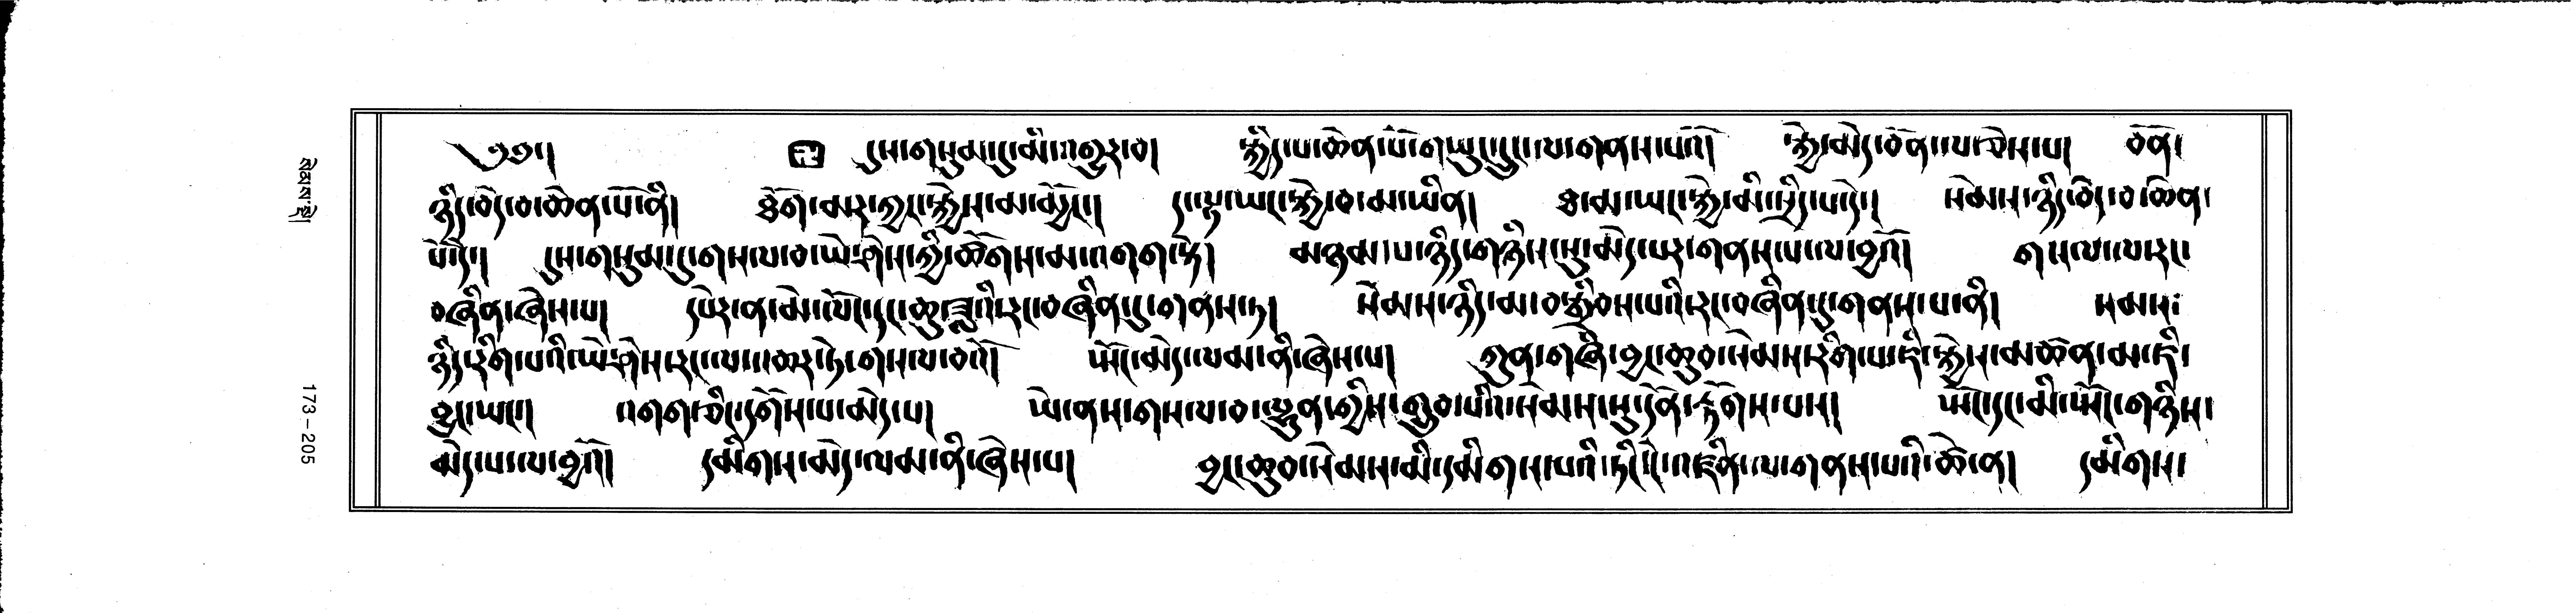དུས་གསུམ་དུ་མི་འགྱུར་བ་སྐྱིད་པ་ཆེན་པོ་གཡུང་དྲུང་ལ་གནས་པའོ། །སྐྱེ་མེད་བོན་ལ་ཅེས་པ། བོན་
ཉིད་བདེ་བ་ཆེན་པོ་ནི། ཐོག་མར་ཀྱང་སྐྱེས་མ་མྱོང་། ད་ལྟ་ཡང་སྐྱེ་བ་མ་ཡིན། ཐ་མ་ཡང་སྐྱེ་མི་སྲིད་པ་དེ། སེམས་ཉིད་བདེ་བ་ཆེན་
པོ་དེ། དུས་གསུམ་དུ་གསལ་བ་ཡེ་ཤེས་ཀྱི་ཚོགས་མ་འགག་སྟེ། མཉམ་པ་ཉིད་གཉིས་སུ་མེད་པ་ལ་གནས་པ་ལ་བྱའོ། །གསལ་ལ་རང་
བཞིན་ཞེས་པ། དཔེར་ན་མེ་ལོང་དང་ཆུ་ཟླའི་རང་བཞིན་དུ་གནས་ཏེ། སེམས་ཉིད་མ་བསྒྲིབས་པའི་རང་བཞིན་དུ་གནས་པ་ནི། སེམས་
ཉིད་རིག་པའི་ཡེ་ཤེས་རང་ལས་འཆར་ཏེ་གསལ་བའོ། །སྤོང་མེད་ལམ་ནི་ཞེས་པ། ཀུན་གཞི་བྱང་ཆུབ་ཀྱི་སེམས་རིག་པ་ཇི་སྐྱེས་མཚན་མ་ཇི་
བྱུང་ཡང་འགག་ཅིང་དོག་པ་མེད་པ། ཡེ་ནས་གསལ་བ་ལྷུན་གྱིས་གྲུབ་པའི་སེམས་སུ་དོན་རྟོགས་པས། སྤོང་དང་མི་སྤོང་གཉིས་
མེད་པ་ལ་བྱའོ། །དམིགས་མེད་ལམ་ནི་ཞེས་པ། བྱང་ཆུབ་སེམས་མི་དམིགས་པའི་ཏིང་ངེ་འཛིན་ལ་གནས་པའི་ཚེ་ན། དམིགས་